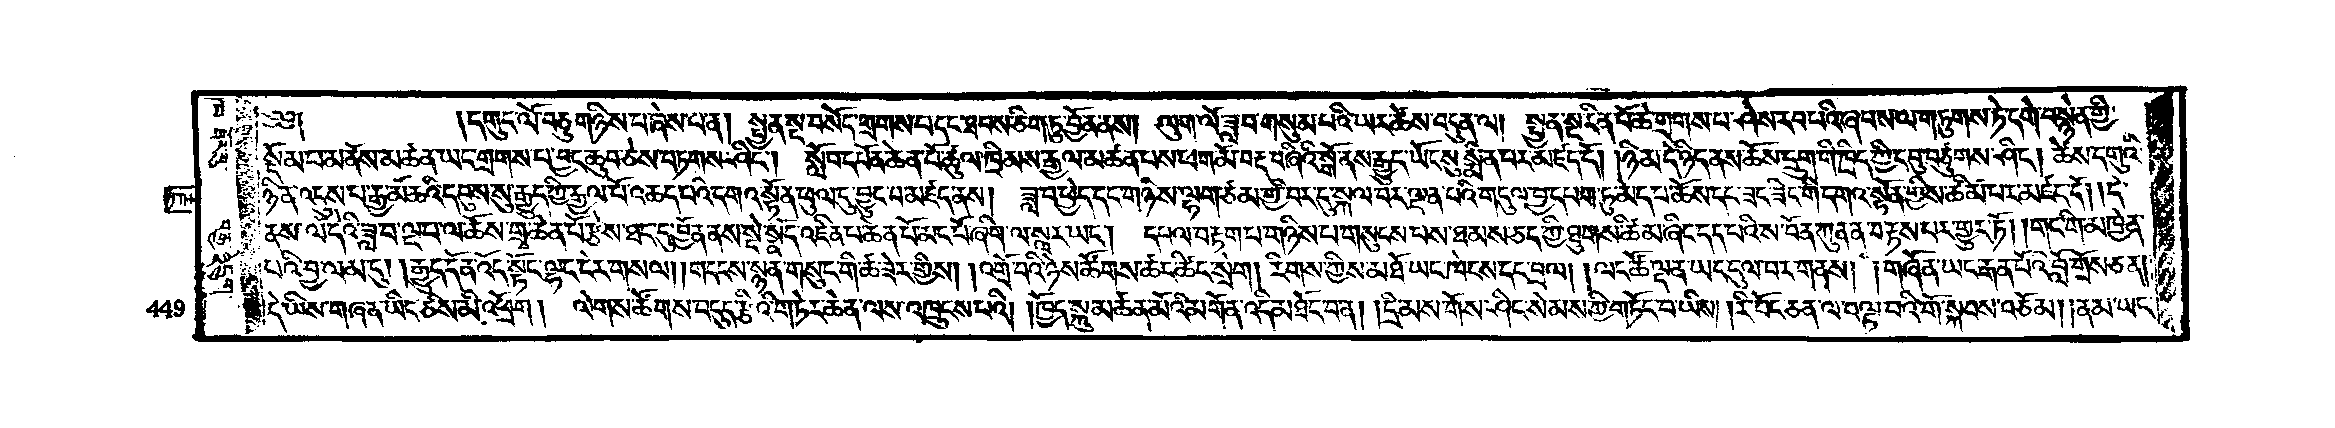༄༅། །དགུང་ལོ་བཅུ་གཉིས་པ་ཞེས་པ་ན། སྤྱན་སྔ་བསོད་གྲགས་པ་དང་ཐབས་ཅིག་ཏུ་བྱོན་ནས། ལུག་ལོ་ཟླ་བ་གསུམ་པའི་ཡར་ཚེས་བདུན་ལ། སྤྱན་སྔ་རིན་པོ་ཆེ་གྲགས་པ་ཤེས་རབ་པའི་ཞབས་ལ་གཏུགས་ཏེ་དགེ་བསྙེན་གྱི་
སྡོམ་པ་མནོས་མཚན་ཡང་གྲགས་པ་བྱང་ཆུབ་ཅེས་བཏགས་ཤིང་། སློབ་དཔོན་ཆེན་པོ་ཚུལ་ཁྲིམས་རྒྱལ་མཚན་པས་ཕག་མོ་བརྡ་བཞིའི་སྒོ་ནས་རྒྱུད་ཡོངས་སུ་སྨིན་པར་མཛད་དོ། །ཉི་མ་དེ་ཉིད་ནས་ཆོས་དྲུག་གི་ཁྲིད་ཀྱི་དབུ་བཙུགས་ཤིང་། ཚེས་དགུའི་
ཉིན་འདུས་པ་རྒྱ་མཚོའི་དབུས་སུ་རྒྱུད་ཀྱི་རྒྱལ་པོ་འཆད་པའི་དགའ་སྟོན་ཕུལ་དུ་བྱུང་བ་མཛད་ནས། ཟླ་བ་ཕྱེད་དང་གཉིས་ལྷག་ཙམ་གྱི་བར་དུ་སྐལ་བར་ལྡན་པའི་གདུལ་བྱ་དཔག་ཏུ་མེད་པ་ཆོས་དང་ཟང་ཟིང་གི་དགའ་སྟོན་གྱིས་ཚིམ་པར་མཛད་དོ། །དེ་
ནས་ལོ་དེའི་ཟླ་བ་ལྔ་པ་ལ་ཆོས་གྲྭ་ཆེན་པོ་རྩེས་ཐང་དུ་བྱོན་ནས་སྡེ་སྣོད་འཛིན་པ་ཆེན་པོ་མང་པོ་ཞིག་ལ་སླར་ཡང་། དཔལ་བརྟག་པ་གཉིས་པ་གསུངས་པས་ཐམས་ཅད་ཀྱི་ཐུགས་ཚིམ་ཞིང་དད་པའི་ས་བོན་ཀུན་ན་བརྟས་པར་གྱུར་ཏོ། །གང་གི་མཁྱེན་
པའི་བྱ་ལམ་དུ། །རྒྱུད་དོན་འོད་སྟོང་ལྷང་ངེར་གསལ། །གདངས་སྙན་གསུང་གི་ཚ་ཟེར་གྱིས། །འགྲོ་བའི་ཉེས་ཚོགས་ཚིང་ཚིང་སྲེག། རིགས་ཀྱིས་མཐོ་ཡང་ཁེངས་དང་བྲལ། །ལང་ཚོ་ལྡན་ཡང་དུལ་བར་གནས། །གཞོན་ཡང་རྒན་པོའི་བློ་གྲོས་ཅན། །
དེ་ཡིས་གཞན་ཡིད་ཅིས་མི་འཕྲོག། ལེགས་ཚོགས་བདུད་རྩིའི་གཏེར་ཆེན་ལས་འཁྲུངས་པའི། །ཁྱོད་སྐུ་མཚན་མོའི་མགོན་འདི་མཐོང་བ་ན། །དྲི་མས་གོས་ཤིང་སེམས་ཀྱི་གཏོང་བ་ཡིས། །རི་བོང་ཅན་ལ་བལྟ་བའི་གོ་སྐབས་བཅོམ། །ནམ་ཡང་